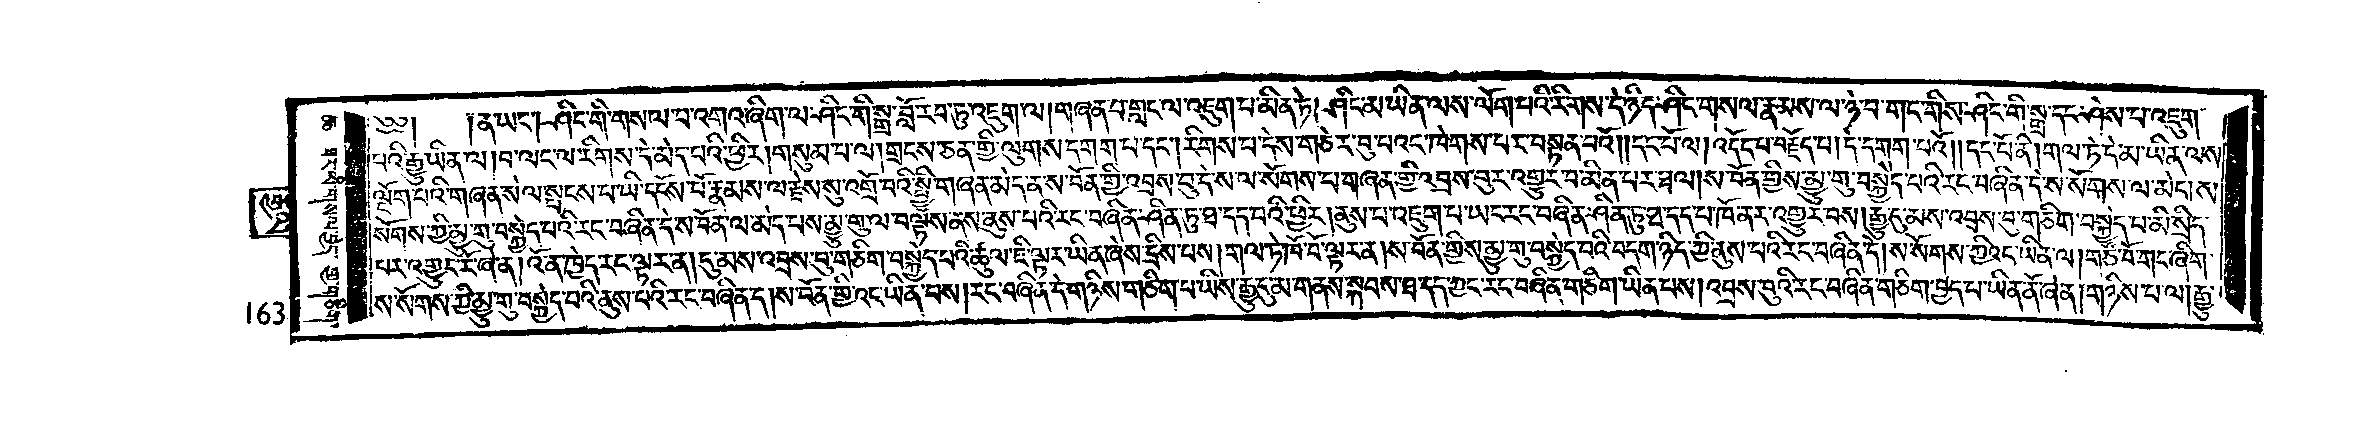༄༅། །ན་ཡང་། ཤིང་གི་གསལ་བ་འགའ་ཞིག་ལ་ཤིང་གི་སྒྲ་བློ་རབ་ཏུ་འཇུག་ལ། གཞན་པ་གླང་ལ་འཇུག་པ་མིན་ཏེ། ཤིང་མ་ཡིན་ལས་ལོག་པའི་རིགས་དེ་ཉིད་ཤིང་གསལ་རྣམས་ལ་ཉེ་བ་གང་གིས་ཤིང་གི་སྒྲ་དང་ཤེས་པ་འཇུག་
པའི་རྒྱུ་ཡིན་ལ། བ་ལང་ལ་རིགས་དེ་མེད་པའི་ཕྱིར། གསུམ་པ་ལ། གྲངས་ཅན་གྱི་ལུགས་དགག་པ་དང་། རིགས་པ་དེས་གཅེར་བུ་པའང་ཁེགས་པར་བསྟན་པའོ། །དང་པོ་ལ། འདོད་པ་བརྗོད་པ། དེ་དགག་པའོ། །དང་པོ་ནི། གལ་ཏེ་དེ་མ་ཡིན་ལས་
ལྡོག་པའི་གཞན་སེལ་སྤངས་པ་ཡི་དངོས་པོ་རྣམས་ལ་རྗེས་སུ་འགྲོ་བའི་སྤྱི་གཞན་མེད་ན་ས་བོན་གྱི་འབྲས་བུ་དེ་ས་ལ་སོགས་པ་གཞན་གྱི་འབྲས་བུར་འགྱུར་བ་མིན་པར་ཐལ། ས་བོན་གྱིས་མྱུ་གུ་བསྐྱེད་པའི་རང་བཞིན་དེ་ས་སོགས་ལ་མེད། ས་
སོགས་ཀྱི་མྱུ་གུ་བསྐྱེད་པའི་རང་བཞིན་དེ་ས་བོན་ལ་མེད་པས་མྱུ་གུ་ལ་བལྟོས་ནས་ནུས་པའི་རང་བཞིན་ཤིན་ཏུ་ཐ་དད་པའི་ཕྱིར། ནུས་པ་འཇུག་པ་ཡང་རང་བཞིན་ཤིན་ཏུ་ཐ་དད་པ་ཁོ་ནར་འགྱུར་བས། རྒྱུ་དུ་མས་འབྲས་བུ་གཅིག་བསྐྱེད་པ་མི་སྲིད་
པར་འགྱུར་རོ་ཞེ་ན། འོ་ན་ཁྱེད་རང་ལྟར་ན། དུ་མས་འབྲས་བུ་གཅིག་བསྐྱེད་པའི་ཚུལ་ཇི་ལྟར་ཡིན་ཞེས་དྲིས་པས། གལ་ཏེ་ཁོ་བོ་ལྟར་ན། ས་བོན་གྱིས་མྱུ་གུ་བསྐྱེད་པའི་བདག་ཉིད་ཀྱི་ནུས་པའི་རང་བཞིན་དེ། ས་སོགས་ཀྱིའང་ཡིན་ལ། གཙོ་བོ་གང་ཞིག་
ས་སོགས་ཀྱི་མྱུ་གུ་བསྐྱེད་པའི་ནུས་པའི་རང་བཞིན་དོ། ས་བོན་གྱི་འང་ཡིན་པས། རང་བཞིན་དེ་གཉིས་གཅིག་པ་ཡིས་རྒྱུ་དུ་མ་གནས་སྐབས་ཐ་དད་ཀྱང་རང་བཞིན་གཅིག་ཡིན་པས། འབྲས་བུའི་རང་བཞིན་གཅིག་བྱེད་པ་ཡིན་ནོ་ཞེ་ན། གཉིས་པ་ལ། རྒྱུ་